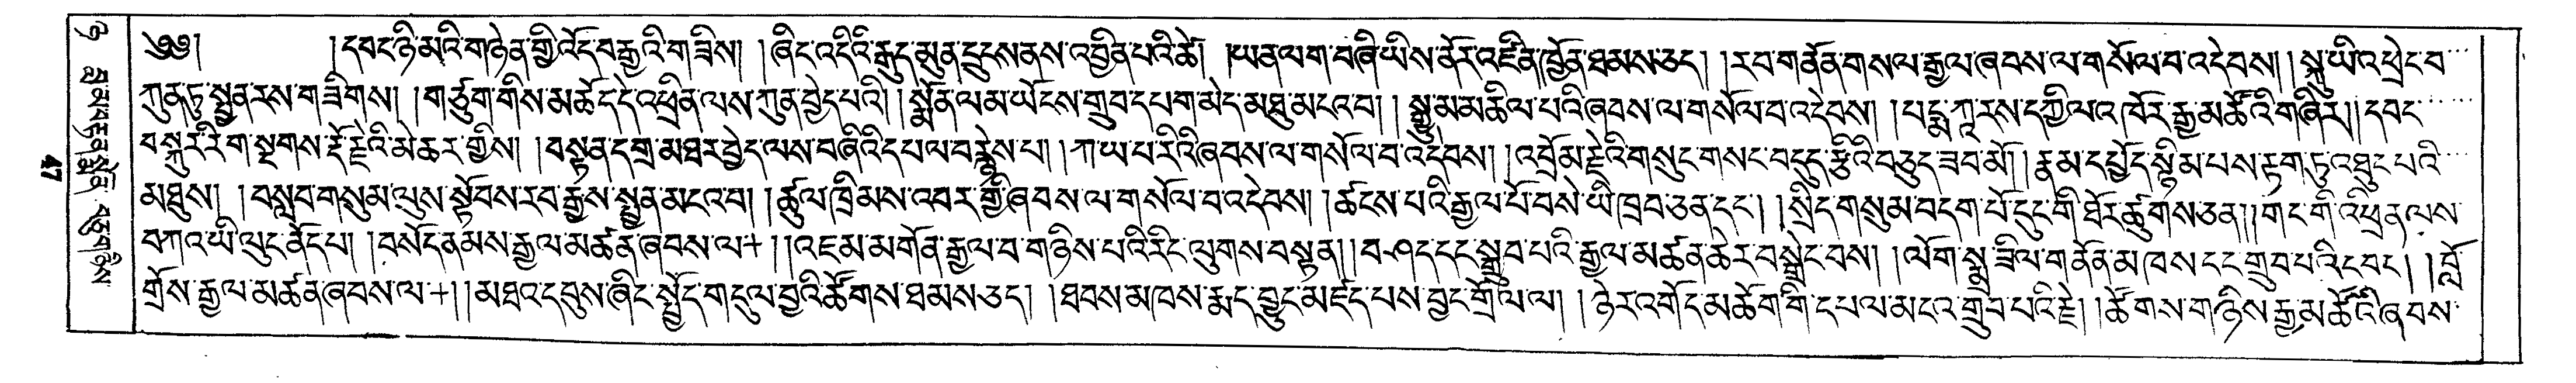༄༅། །དབང་ཉི་མའི་གཉེན་གྱི་འོད་བརྒྱའི་གཟིས། །ཞིང་འདིའི་རྒུད་མུན་དྲུངས་ནས་འབྱིན་པའི་ཚེ། །ཡན་ལག་བཞི་ཡིས་ནོར་འཛིན་ཁྱོན་ཐམས་ཅད། །རབ་གནོན་གསལ་རྒྱལ་ཞབས་ལ་གསོལ་བ་འདེབས། །སྐུ་ཡི་འཕྲེང་བ་
ཀུན་ཏུ་སྤྱན་རས་གཟིགས། །གཙུག་གིས་མཆོད་དེ་འཕྲིན་ལས་ཀུན་བྱེད་པའི། །སྨོན་ལམ་ཡོངས་གྲུབ་དཔག་མེད་མཐུ་མངའ་བ། །སྒྱུ་མ་མཆི་ལ་བའི་ཞབས་ལ་གསོལ་བ་འདེབས། །པདམ་ཀཱ་རས་དཀྱིལ་འཁོར་རྒྱ་མཚོའི་གཞིར། །དབང་
བསྐུར་རིག་སྔགས་རྡོ་རྗེའི་མེ་ཆར་གྱིས། །བསྟན་དགྲ་མཐར་བྱེད་ལས་བཞིའི་དཔལ་བརྙེས་པ། །ཀ་ཡ་པ་རིའི་ཞབས་ལ་གསོལ་བ་འདེབས། །འབྲོམ་རྗེའི་གསུང་གསང་བདུད་རྩིའི་བཅུད་ཟབ་མོ། །རྣམ་དཔྱོད་སྙིམ་པས་རྟག་ཏུ་འཐུང་བའི་
མཐུས། །བསླབ་གསུམ་ལུས་སྟོབས་རབ་རྒྱས་སྤྱན་མངའ་བ། །ཚུལ་ཁྲིམས་འབར་གྱི་ཞབས་ལ་གསོལ་བ་འདེབས། །ཚངས་པའི་རྒྱལ་པོ་བསེ་ཡི་ཁྲབ་ཅན་དང་། །སྲིད་གསུམ་བདག་པོ་དུང་གི་ཐོར་ཚུགས་ཅན། །གང་གི་འཕྲིན་ལས་
བཀའ་ཡི་ལུང་ནོད་པ། །བསོད་ནམས་རྒྱལ་མཚན་ཞབས་ལ། །འཇམ་མགོན་རྒྱལ་བ་གཉིས་པའི་རིང་ལུགས་བསྟན། །བཤད་དང་སྒྲུབ་པའི་རྒྱལ་མཚན་ཆེར་བསྒྲེང་བས། །ལོག་སྨྲ་ཟིལ་གནོན་མཁས་དང་གྲུབ་པའི་དབང་། །བློ་
གྲོས་རྒྱལ་མཚན་ཞབས་ལ། །མཐའ་དབུས་ཞིང་སྤྱོད་གདུལ་བྱའི་ཚོགས་ཐམས་ཅད། །ཐབས་མཁས་རྨད་བྱུང་མཛད་བས་བྱང་གྲོལ་ལ། །ཉེར་འགོད་མཆོག་གི་དཔལ་མངའ་གྲུབ་པའི་རྗེ། །ཚོགས་གཉིས་རྒྱ་མཚོའི་ཞབས་